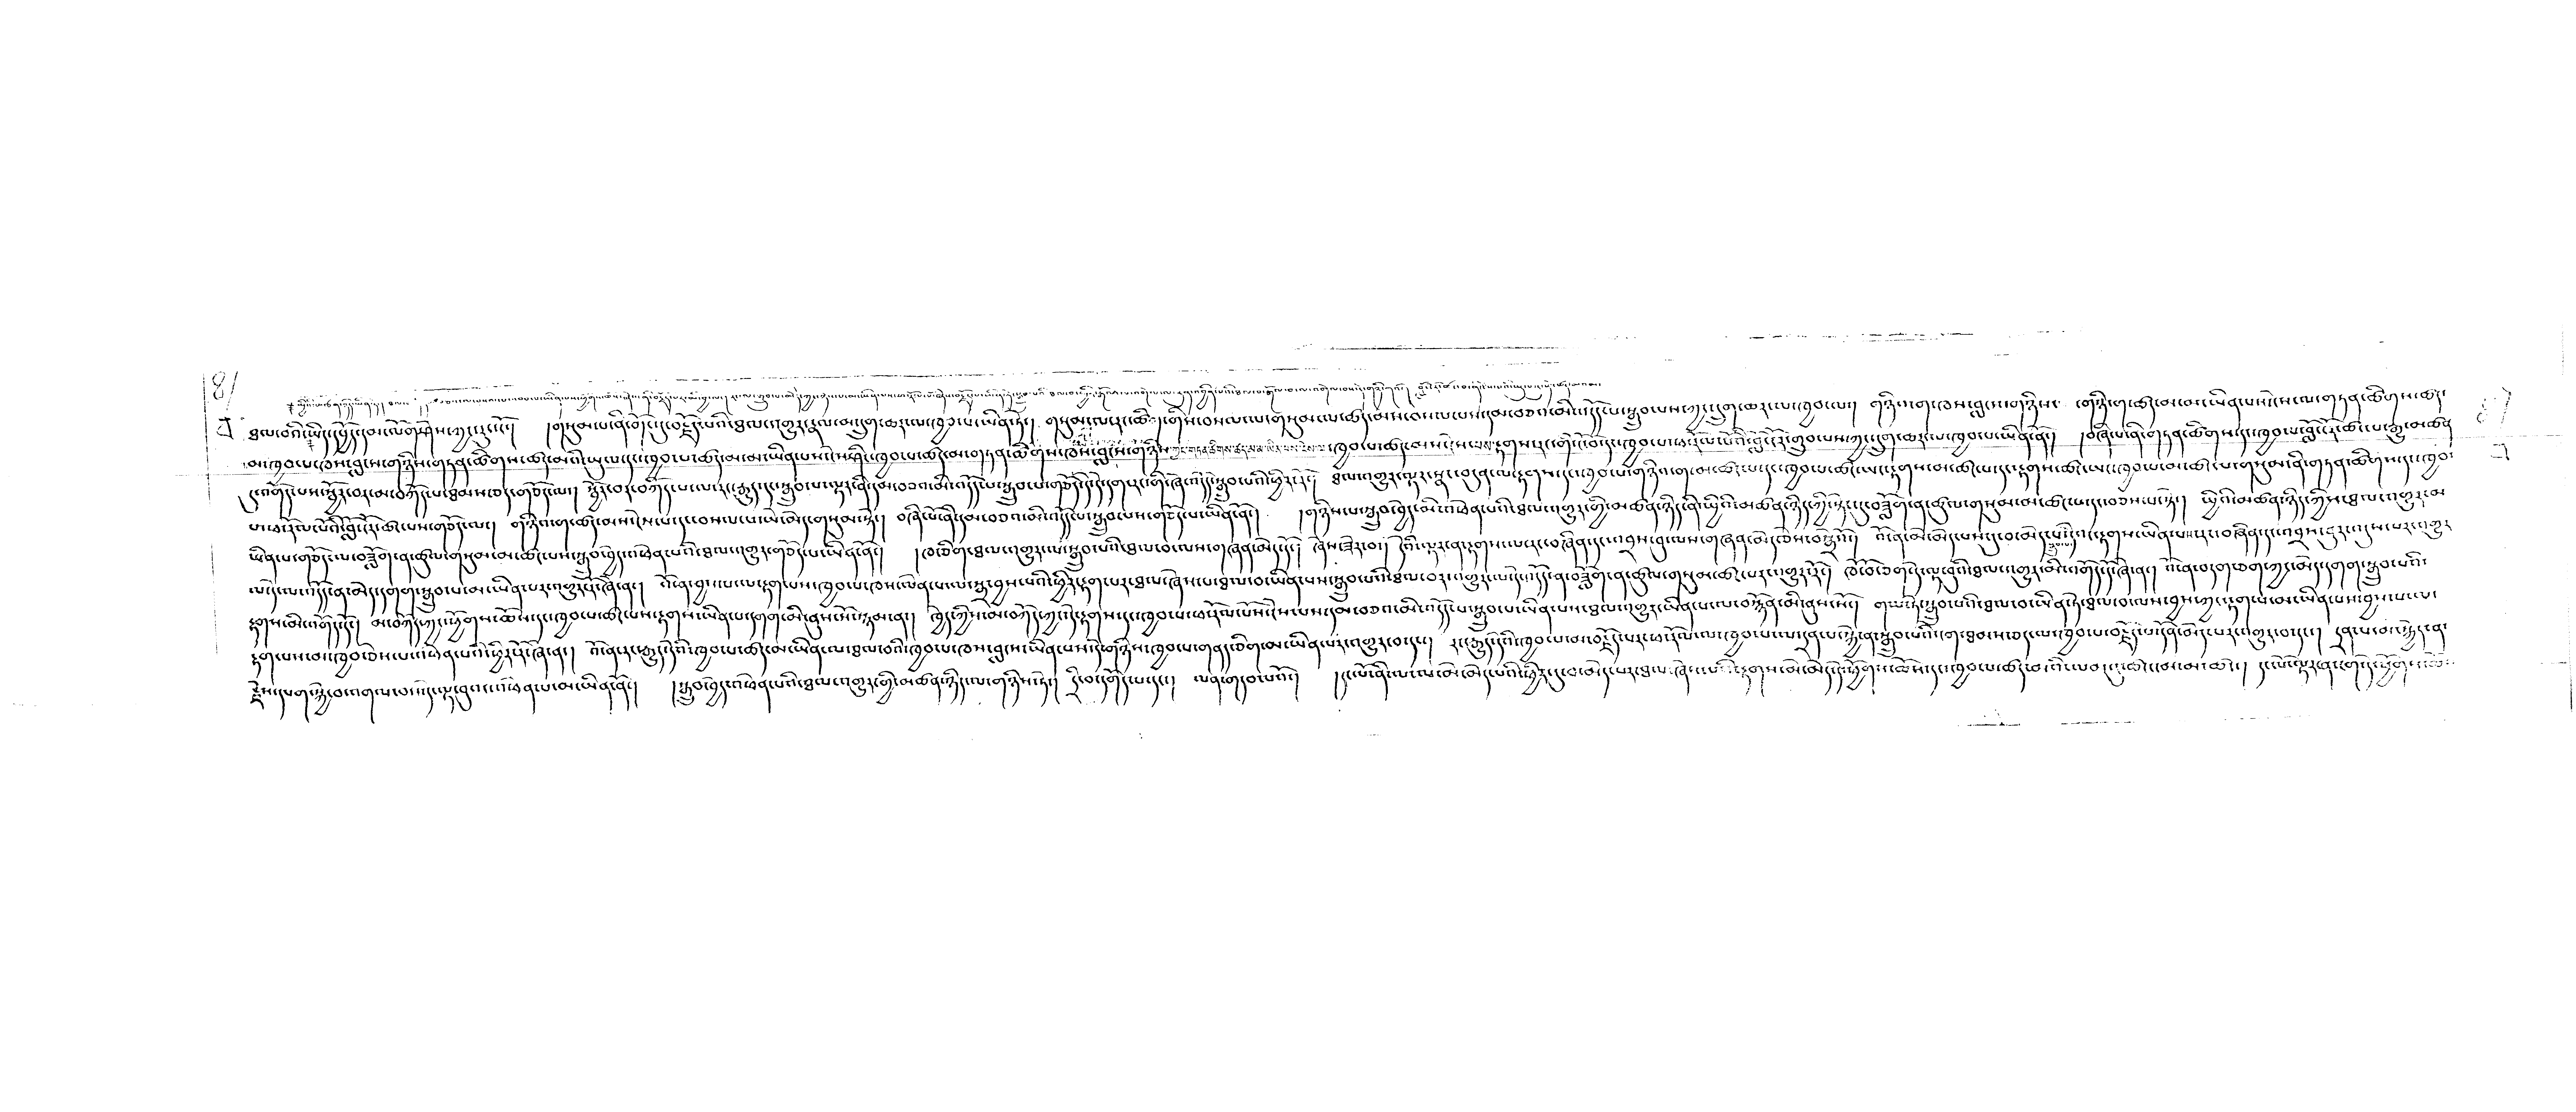ཐལ་བའི་?་ཡིད་དཔྱོད་དམ་ལོག་ཤེས་ཀྱང་རུང་ངོ། །གསུམ་པ་ནི་གོང་དུ་བརྗོད་པའི་ཐལ་འགྱུར་རྣལ་མ་དྲུག་ཆར་ལ་ཁྱབ་པ་ཡིན་ཏེ། གསུམ་ལ་རང་ཚིག་གིས་བསལ་པ་གསུམ་ལ་ཚད་མས་བསལ་པས་དམ་བཅའ་མི་འདོད་པ་སྒྲུབ་པས་ཀྱང་དྲུག་ཆར་ལ་ཁྱབ་ལ། གཉིས་ག་ཁས་བླངས་གཉིས་གཉི་ག་ཚད་མ་མ་ཡིན་པས་ངེས་ལ་གཏན་ཚིགས་ཚད་
མ་ཁྱབ་པ་ཁས་བླངས་གཉིས་གཏན་ཚིགས་ཚད་མའི་ཡུལ་དང་ཁྱབ་པ་ཚད་མ་མ་ཡིན་པས་ངེས་ཤིང་ཁྱབ་པ་ཚད་མ་གཏན་ཚིགས་ཁས་བླངས་གཉིས་ཀྱང་གཏན་ཚིགས་ཚད་མ་མ་ཡིན་པས་ངེས་ལ་ཁྱབ་པ་ཚད་མས་ངེས་པས་རྟགས་རང་གི་ངོ་བོ་དང་ཁྱབ་པ་ཕ་རོལ་པོའི་བློ་ངོར་གྲུབ་པས་ཀྱང་དྲུག་ཆར་ལ་ཁྱབ་པ་ཡིན་ནོ། །བཞི་པ་ནི་གཏན་ཚིགས་དང་ཁྱབ་པ་བློ་ངོར?་ཚང་པ་རྒྱུ་མཚན་
དུ་འགོད་པས་སྦྱོར་བར་མ་བཀོད་པ་ཐམས་ཅད་གཅོད་ལ། སྦྱོར་བར་བཀོད་པ་ལ་རང་རྒྱུད་དང་སྒྲུབ་པ་ལྟར་ནི་དམ་བཅའ་མི་འདོད་པ་སྒྲུབ་པ་གཅོད་དེ་དེ་དག་རང་གི་ཞེ་འདོད་སྒྲུབ་པའི་ཕྱིར་རོ། ཐལ་འགྱུར་ལྟར་སྣང་བདུན་ལ་རྟགས་དང་ཁྱབ་པ་གཉིའ་ག་མ་ཚང་པ་དང་ཁྱབ་པ་ཚང་ཡང་རྟགས་མ་ཚང་པ་དང་རྟགས་ཚང་ཡང་ཁྱབ་པ་མ་ཚང་པ་གསུམ་ནི་གཏན་ཚིགས་དང་ཁྱབ་
པ་ཕ་རོལ་པོའི་བློ་ངོར?་ཚང་པས་གཅོད་ལ། གཉིའ་ག་ཚད་མས་ངེས་པ་དང་བསལ་པ་མེ་མེད་གསུམ་སྟེ། བཞི་པོ་ནི་དམ་བཅའ་མི་འདོད་པ་སྒྲུབ་པས་གཅོད་པ་ཡིན་ནོ། །གཉིས་པ་སྒྲུབ་བྱེད་མི་འཕེན་པའི་ཐལ་འགྱུར་གྱི་མཚན་ཉིད་ནི་སྤྱིའི་མཚན་ཉིད་ཀྱི་སྟོང་དུ་བཟློག་ན་ཚུལ་གསུམ་མ་ཚང་པ་དང་བཅས་པ་སྟེ། སྤྱིའི་མཚན་ཉིད་ཀྱིས་ཐལ་འགྱུར་མ་
ཡིན་པ་གཅོད་ལ་བཟློག་ན་ཚུལ་གསུམ་མ་ཚང་པས་སྒྲུབ་བྱེད་འཕེན་པའི་ཐལ་འགྱུར་གཅོད་པ་ཡིན་ནོ། །ཁ་ཅིག་ཐལ་འགྱུར་ལ་སྒྲུབ་པའི་ཐལ་བ་ལས་གཞན་མེད་དོ། ཞེས་ཟེར་བ། དེའི་ལྟར་ན་རྟགས་པ་རང་བཞིན་དང་འབྲས་བུ་ལས་གཞན་མེད་ཅེས་བསྒྲེའོ། འོ་ན་མེ་མེད་པས་དུ་བ་མེད་པ་དེའང་རྟགས་ཡིན་པས་རང་བཞིན་དང་འབྲས་བུར་འདུས་པར་འགྱུར་
ལ་དེ་ལ་འདོད་ན་མེད་དགག་སྒྲུབ་པ་མ་ཡིན་པར་འགྱུར་རོ་ཞེ་ན། འོ་ན་བྱས་པ་ལ་རྟག་པས་ཁྱབ་པ་ཁས་ལེན་པ་ལ་སྒྲ་བྱས་པའི་ཕྱིར་རྟག་པར་ཐལ་ཞེས་པ་ཐལ་བ་ཡིན་པས་སྒྲུབ་པའི་ཐལ་བར་འགྱུར་པ་དེ་འདོད་ན་བཟློག་ན་ཚུལ་གསུམ་ཚང་པར་འགྱུར་རོ། ཁོ་བོ་ཅག་དེ་ལྟ་བུའི་ཐལ་འགྱུར་མི་འགོད་དོ་ཞེ་ན། འོ་ན་བདག་ཅག་ཀྱང་མེད་དགག་སྒྲུབ་པའི་
རྟགས་མི་འགོད་དོ། མ་བཀོད་ཀྱང་ཕྱོགས་ཆོས་དང་ཁྱབ་པ་ཚང་པས་རྟགས་ཡིན་པ་དགག་མི་ནུས་སོ་སྙམ་ན། ཁྱེད་ཀྱིས་མ་བཀོད་ཀྱང་དེ་རྟགས་དང་ཁྱབ་པ་ཕ་རོལ་པོས་ངེས་པས་དམ་བཅའ་མི་འདོད་པ་སྒྲུབ་པ་ཡིན་པས་ཐལ་འགྱུར་ཡིན་པ་ལ་བསྙོན་མི་ནུས་སོ། གལ་ཏེ་སྒྲུབ་པའི་ཐལ་བ་ཡིན་ཏེ་ཐལ་བ་ལས་བྱས་ཀྱང་རྟག་པ་མ་ཡིན་པས་བྱས་པ་ལ་
རྟག་པས་མ་ཁྱབ་ཅེས་པ་འཕེན་པའི་ཕྱིར་རོ་ཞེ་ན། འོ་ན་རང་རྒྱུད་དེའི་ཁྱབ་པ་ཚད་མ་ཡིན་ལ་ཐལ་བའི་ཁྱབ་པ་ཁས་བླངས་ཡིན་པས་དེ་གཉིས་ཁྱབ་པ་གནད་ཅིག་མ་ཡིན་པར་འགྱུར་བ་དང་། རང་རྒྱུད་དེའི་ཁྱབ་པ་མ་བརྗོད་པར་ཕ་རོལ་ལ་ཁྱབ་པ་ལ་དྲན་པ་སྐྱེ་ན་སྒྲུབ་པའི་ངག་ཐམས་ཅད་ལ་ཁྱབ་པ་བརྗོད་པ་དོན་མེད་པར་འགྱུར་བ་དང་། དྲན་པ་མ་སྐྱེད་ན་
རྗེས་དཔག་སྐྱེ་བ་འགལ་བས་དེ་ལྟ་བུའང་འཕེན་པ་མ་ཡིན་ནོ། །སྒྲུབ་བྱེད་འཕེན་པའི་ཐལ་འགྱུར་གྱི་མཚན་ཉིད་ལ་གཉིས་ཏེ། དྲི་བ་དགོད་པ་དང་། ལན་གདབ་པའོ། །དང་པོ་ནི་ལ་ལ་མེ་མེད་པའི་ཕྱིར་དུ་བ་མེད་པར་ཐལ་ཞེས་པའི་རྟགས་མེ་མེད་དེ་ཕྱོགས་ཆོས་དང་ཁྱབ་པ་ཚད་མའི་ལམ་དུ་ཚང་མ་མ་ཚང་། དང་པོ་ལྟར་ན་ངག་དེ་ཕྱོགས་ཆོས?